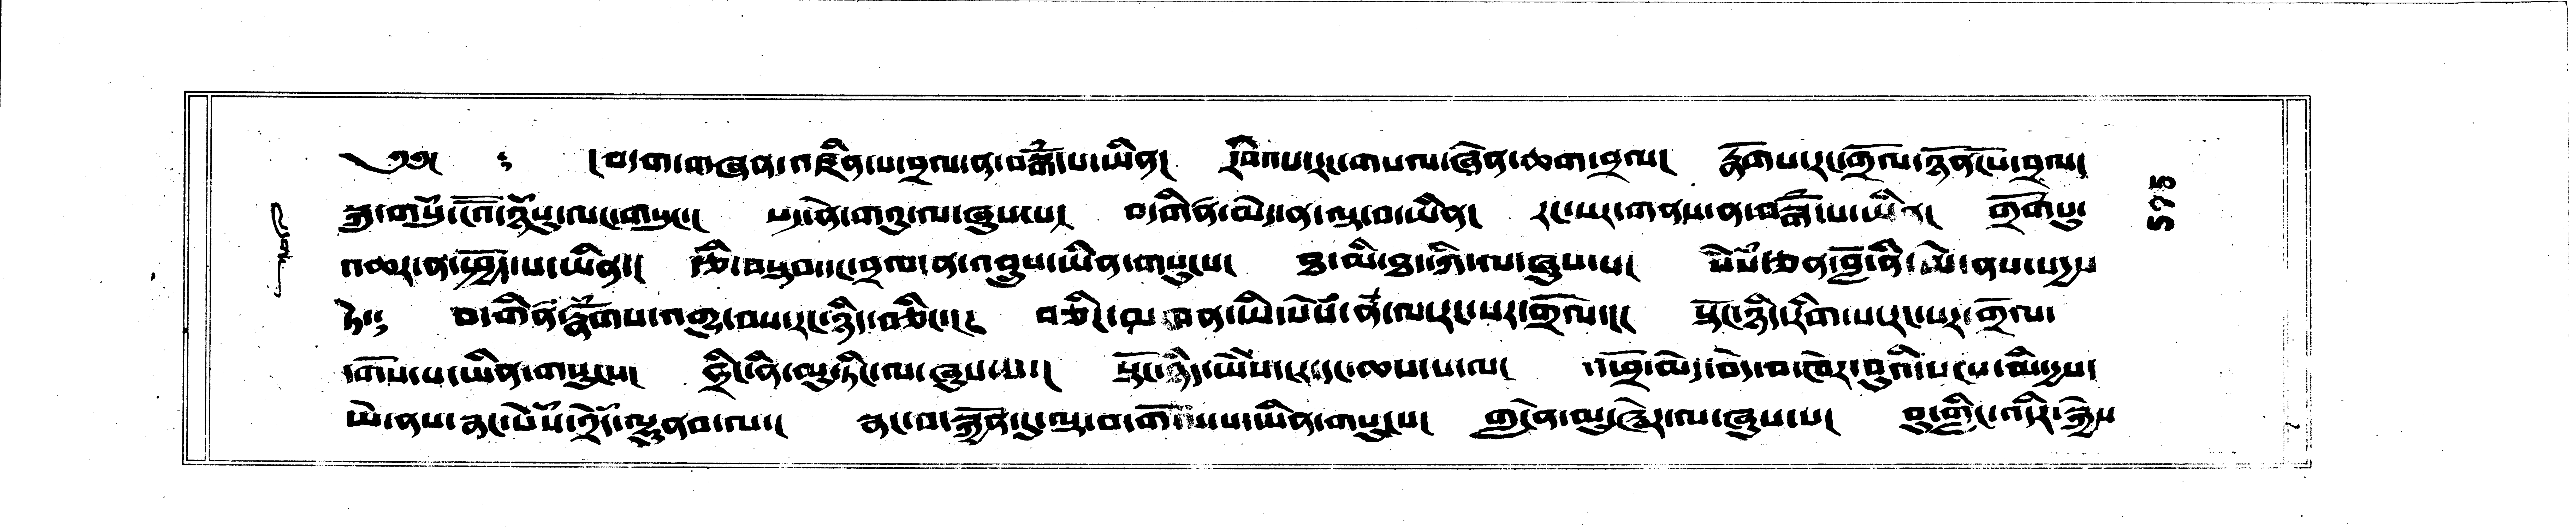བདག་གཞན་འཛིན་པ་བྲལ་ན་སྒོམ་པ་ཡིན། ཅི་སྣང་གྲོགས་སུ་འཆར་ན་སྤྱོད་པ་ཡིན། ངོའོ་མཐའ་དབུས་བྲལ་ན་འབྲུས་བུ་ཡིན་གསུངས། ཨ་ནུ་འཕྲག་ཐག་ལ་ཞུས་པས། སེམས་ངོའོ་སྟོང་ཞིང་བདག་འཛིན་བྲལ། རྣམ་རྟོག་རང་གྲོལ་ཉོན་མོངས་བྲལ། སྐུ་གསུམ་ངོའོ་སེམས་སུ་མྱོང་གསུངས། སད་ནེ་གའུ་ལ་ཞུས་པས། བདག་འཛིན་མེད་ན་ལྟ་བ་ཡིན། རང་སར་གནས་ན་སྒོམ་པ་ཡིན། གྲོགས་སུ་འཆར་ན་སྤྱོད་པ་ཡིན། རྩི་བཏབ་བྲལ་ན་འབྲས་བུ་ཡིན་གསུངས། ད་མི་དད་གེ་ལ་ཞུས་པ། སེམས་ཅན་བློ་ནི་ཡེ་ནས་སངས་རྒྱས་


ཏེ། བདག་འཛིན་རྣམ་རྟོག་འགྱུར་བས་རང་ཉིད་བཅིང་། བཅིང་མཁན་གྱི་སེམས་ལ་ལྟོས་དང་རང་སར་གྲོལ། སྟོང་ཉིད་རང་སར་གྲོལ་
དགོས་པ་ཡིན་གསུངས། ཧྲིང་ནི་མུ་ཏིང་ལ་ཞུས་པས། སེམས་ཉིད་ཡེ་ཤེས་ངར་དང་ཆས་པ་ལ། འཕྲོ་མེད་བདེ་བ་ལྡིང་པོས་སངས་མི་རྒྱས། 
ཡེ་ནས་སྣང་སེམས་གཉིས་མེད་ལྷུན་གྲུབ་ལ། སྣང་བ་སྐྱོན་དུ་བལྟས་ན་གོལ་ས་ཡིན་གསུངས། གླིང་”གླང”ཆེན་མུ་ཝེར་ལ་ཞུས་པས། བུ་གླིང་འདིར་སྐྱེས་